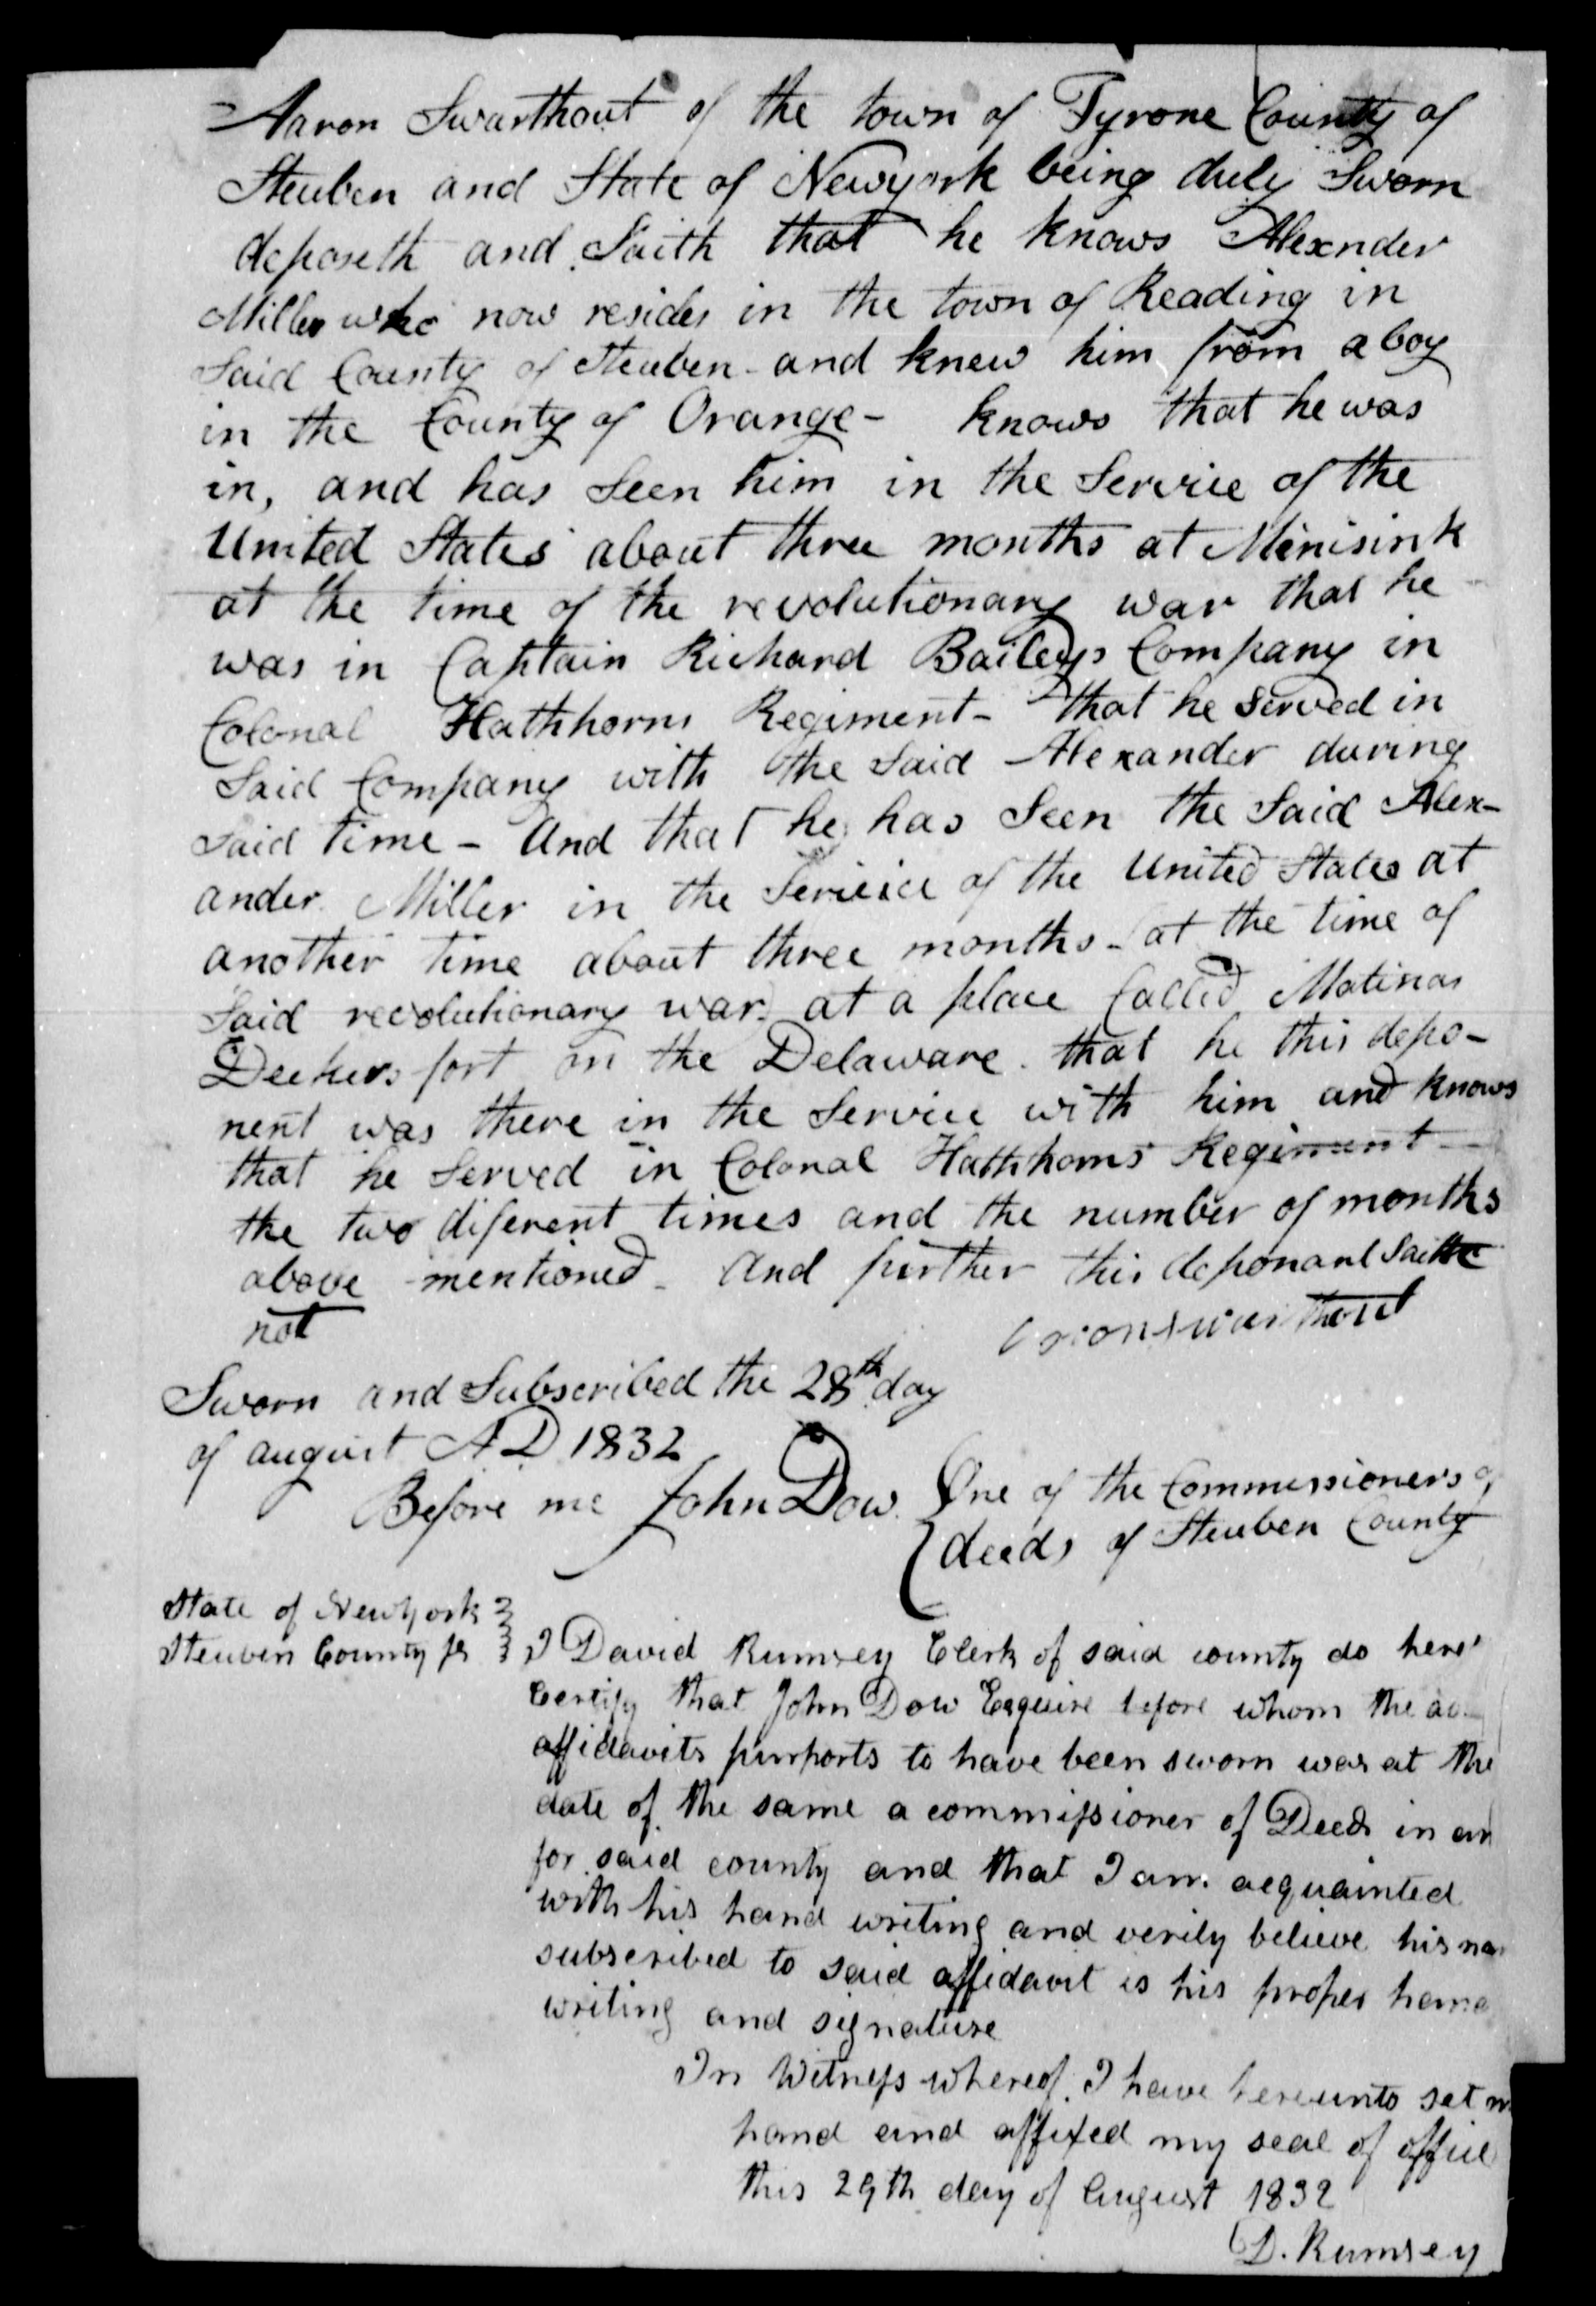Aaron Swarthout of the town of Tyrone County of Steuben and State of New york being duly sworn deposeth and saith that he knows Alexander Miller who now resides in the town of Reading in said County of Steuben and knew him from a boy in the County of Orange - knows that he was in, and has seen him in the service of the United States about three months at Minisink at the time of the revolutionary war that he was in Captain Richard Baileys Company in Colonal Hathhorns Regiment - that he served in said company with the said Alexander during said time - And that he has see the said Alexander Miller in the service of the United States at another time about three months.  at the time of said Revolutionary war at a place called Matinas Deekers fort on the Delaware.  that he this deponent was there in the service with him and knows that he served in Colonal Hathhorns Regiment the two diferent times and the number of months above mentioned.  And further this deponant saith not
Aaron Swarthout
Sworn and subscribed the 28th day of August A.D. 1832
Before me John Dow One of the Commissioners of deeds of Steuben County

State of New York
Steuben County Ss
I David Rumsey Clerk of said county do hereby certify that John Down Esquire before whom the above affidavits purports to have been sworn was at the date of the same a commissioner of Deeds in and for said county and that I am acquainted with his hand writing and verily believe his name subscribed to said affidavit is his proper hand writing and signature
In Witness whereof I have hereunto set my hand and affixed my seal of office this 29th day of August 1832
D. Rumsey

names: Alexander Miller; Aaron Swarthout; David Rumsey; Alexander Miller; Alexander [BLANK]; John Dow; John Dow; D Rumsey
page: 30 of 57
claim: widow's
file: W. 9,622, for Aaron Redman, Virginia